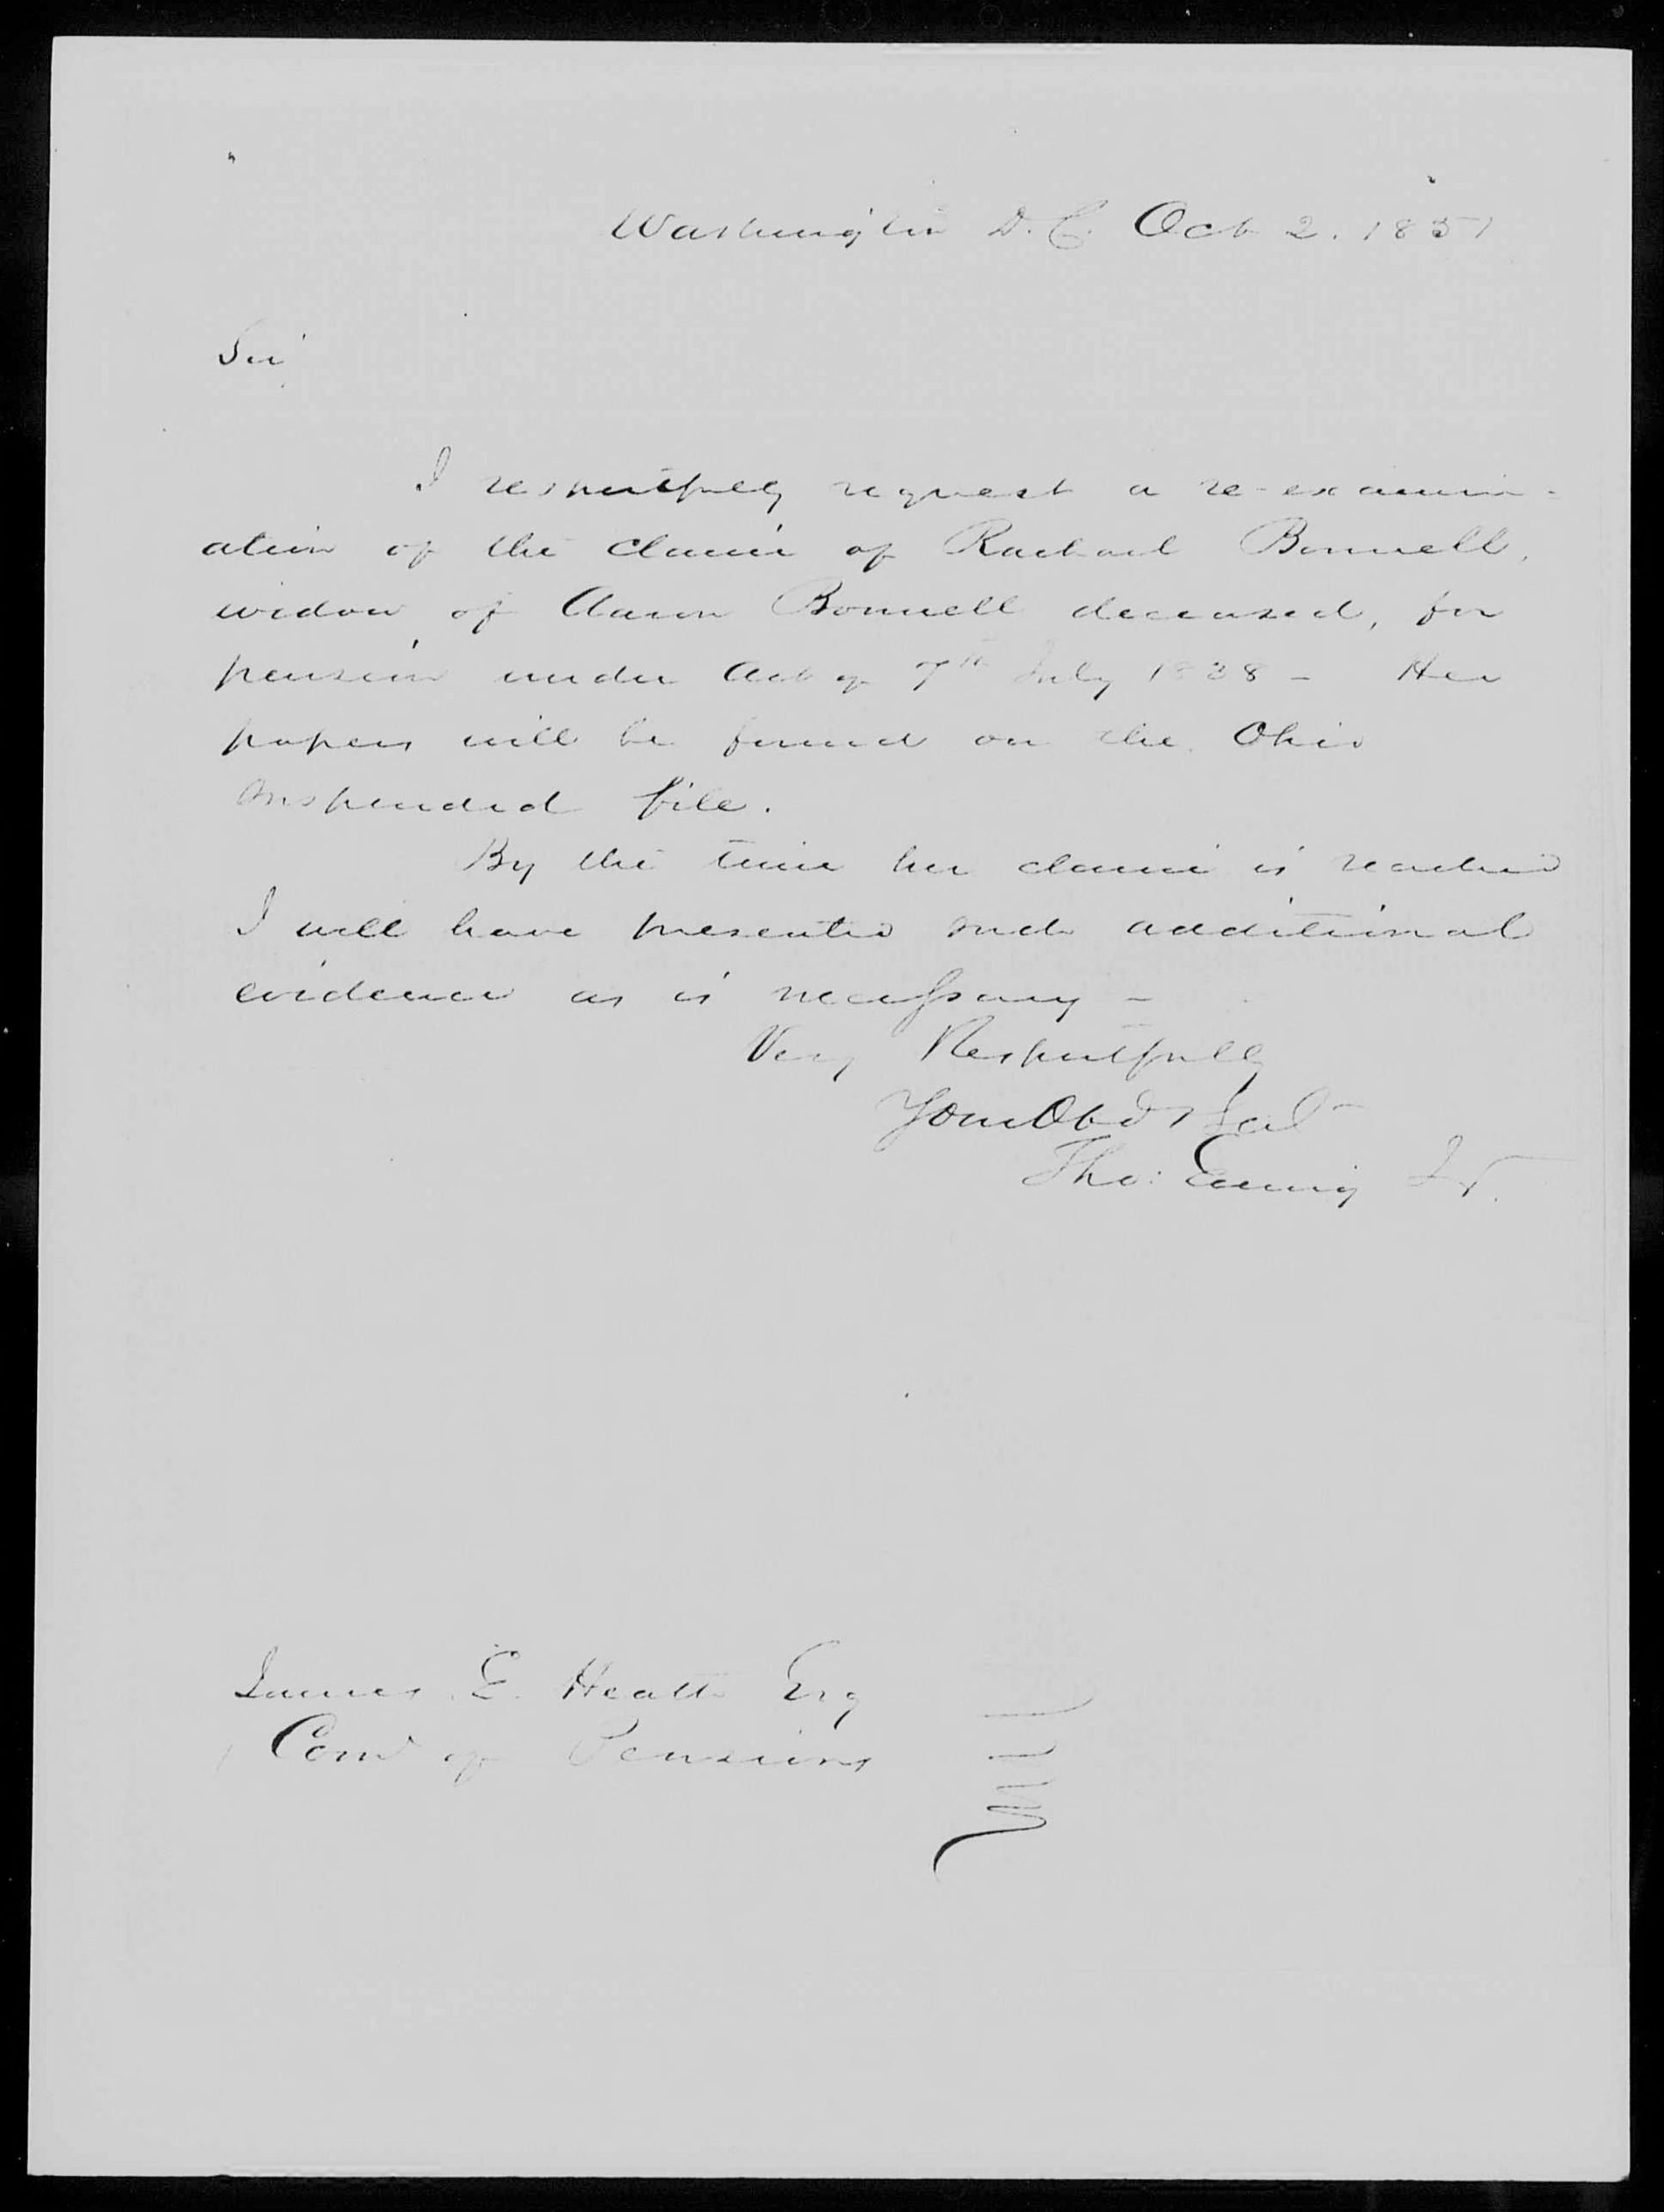Washington D.C. Oct 2, 1851

Sir
I respectfully request a re-examination of the claim of Rachael Bonnell, widow of Aaron Bonnell deceased, for pension under Act of 7th July 1838.  Her papers will be found on the Ohio suspended file.  
By the time her claim is readied I will have hereunto such additional evidence as is necessary.
Very respectfully
Your obd servt
Thos Ewing, Jr

James E. Heath Esq.
Comm of Pensions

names: Aaron Bonnell, Thos Ewing, Rachael Bonnell, James E Heath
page: 43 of 67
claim: rejected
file: R. 1009, Aaron Bonnel, New Jersey